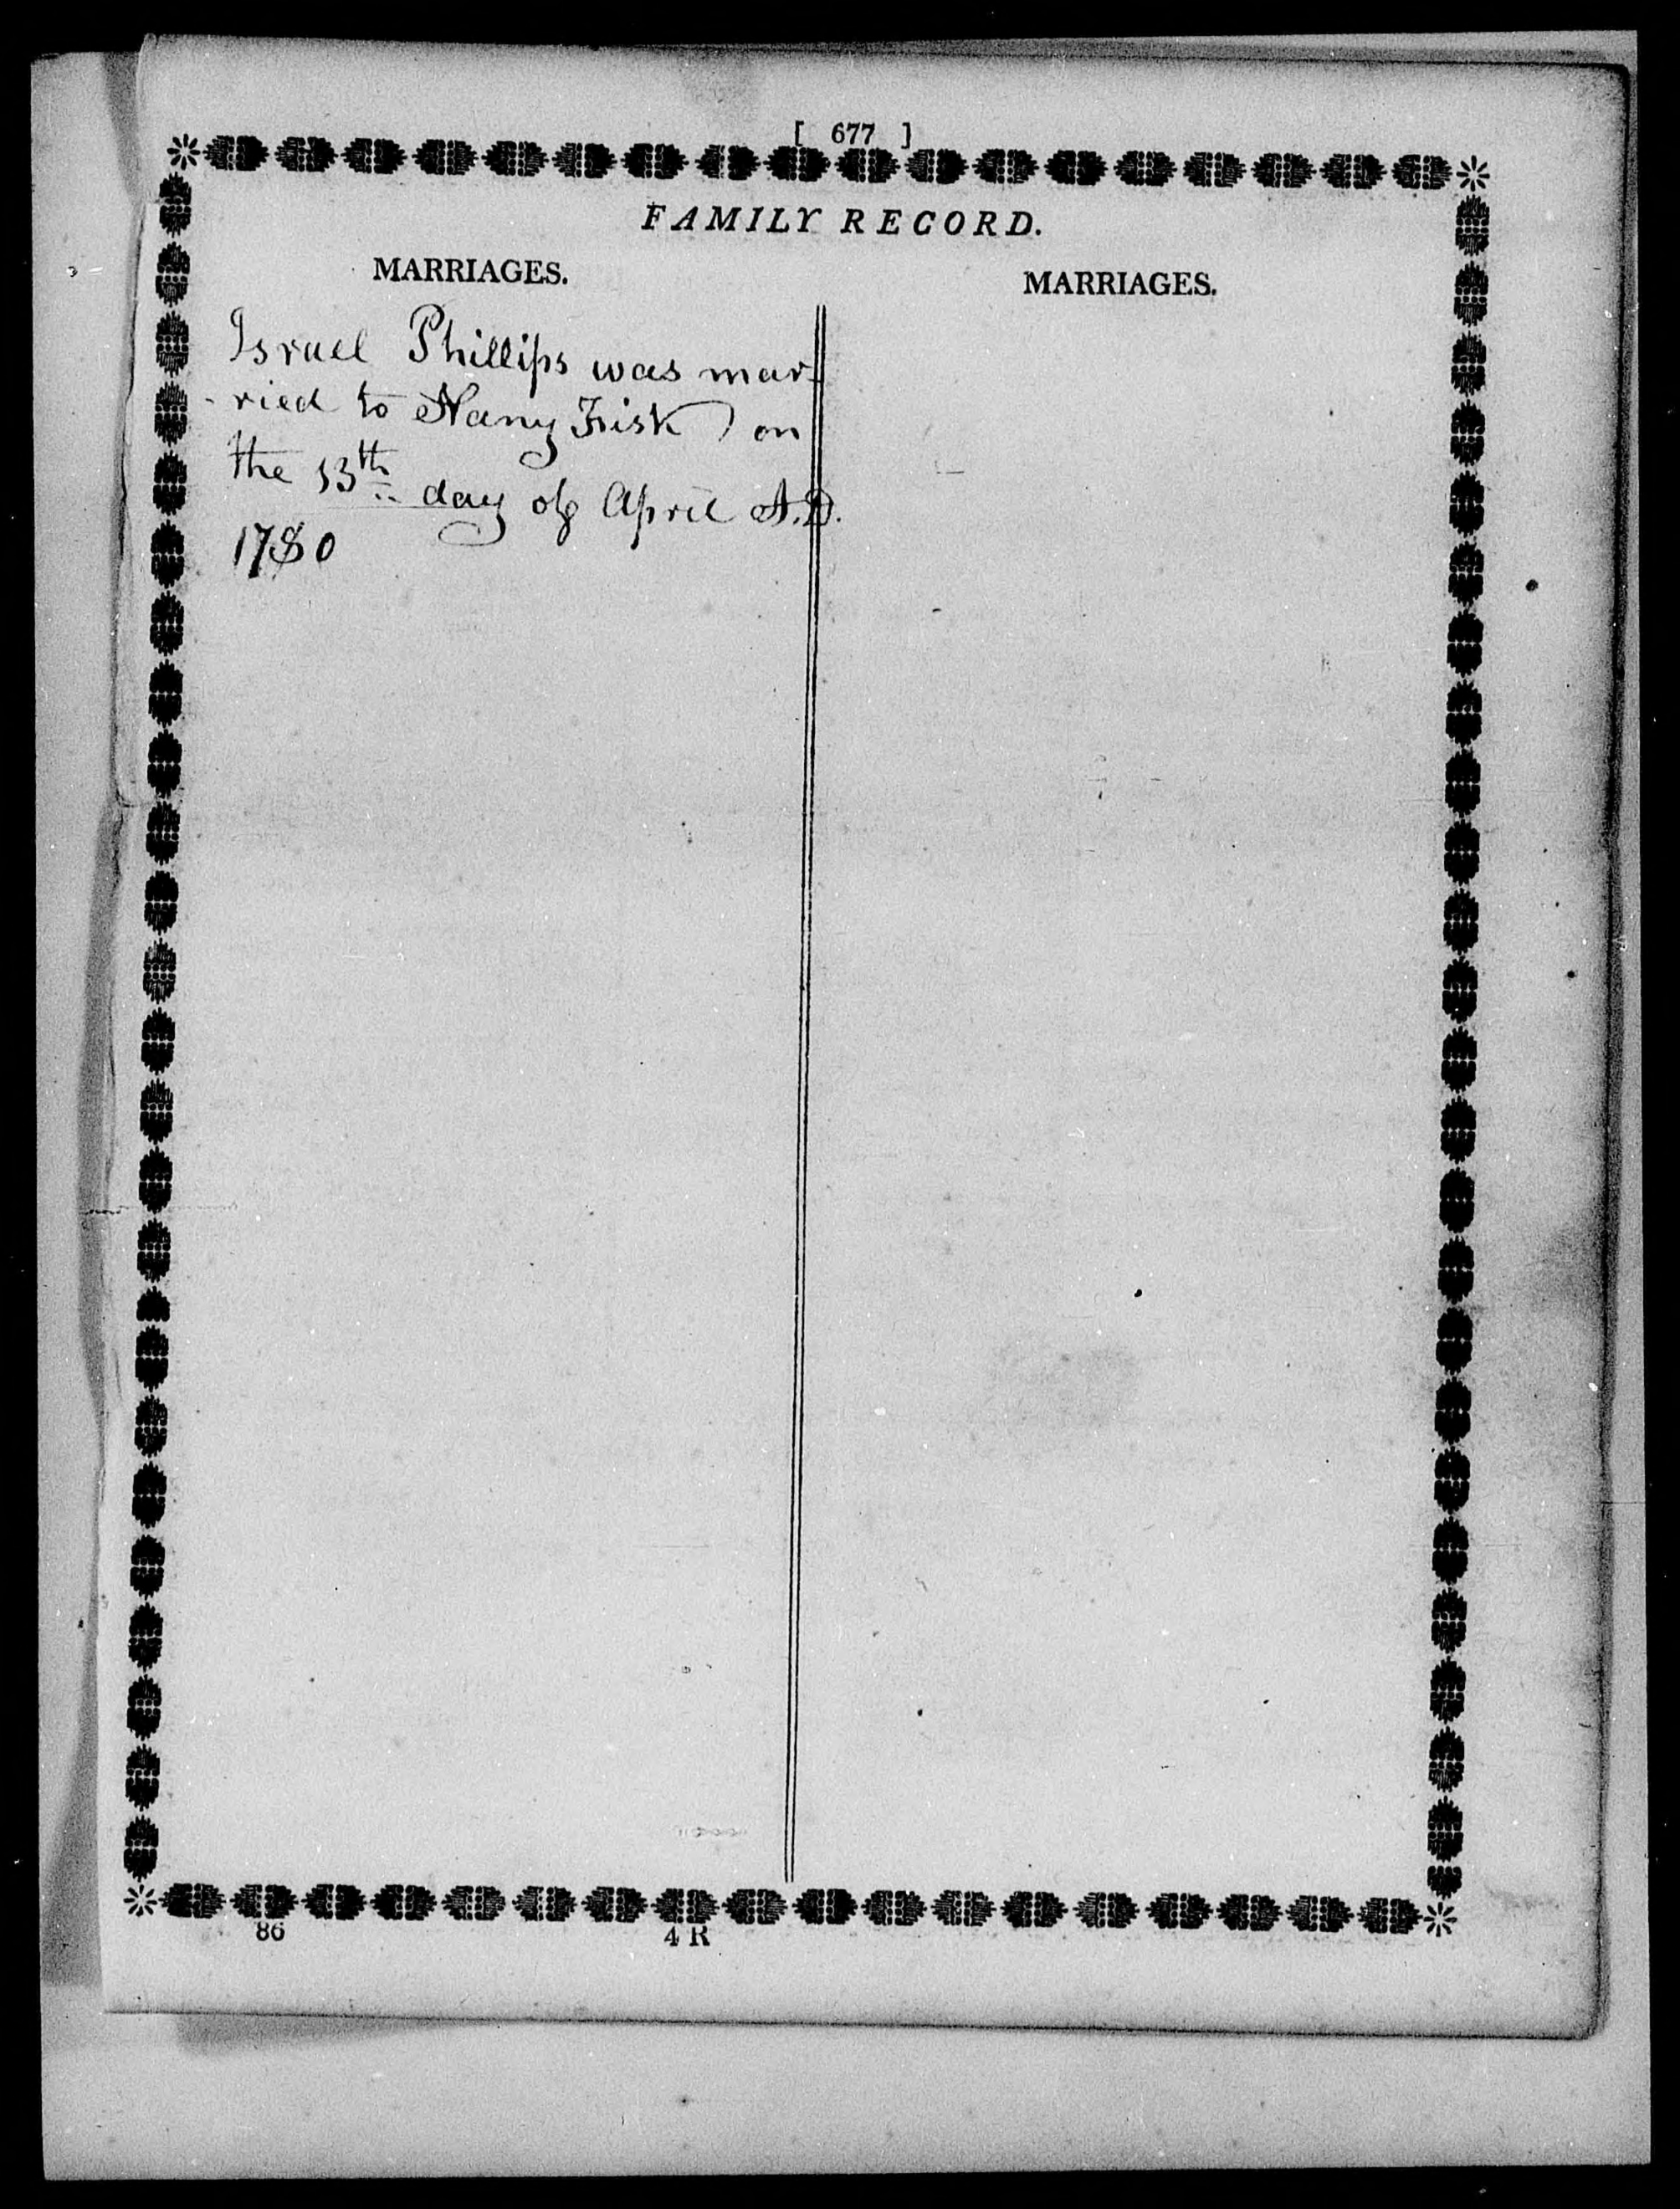FAMILY RECORDS
MARRIAGES
Israel Phillips was married to Nancy Fish on the 13th day of April A.D. 1780.


MARRIAGES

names: Israel Phillips; Nany Fisk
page: 13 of 66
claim: widow's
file: W. 18752, for Israel Phillips, Rhode Island